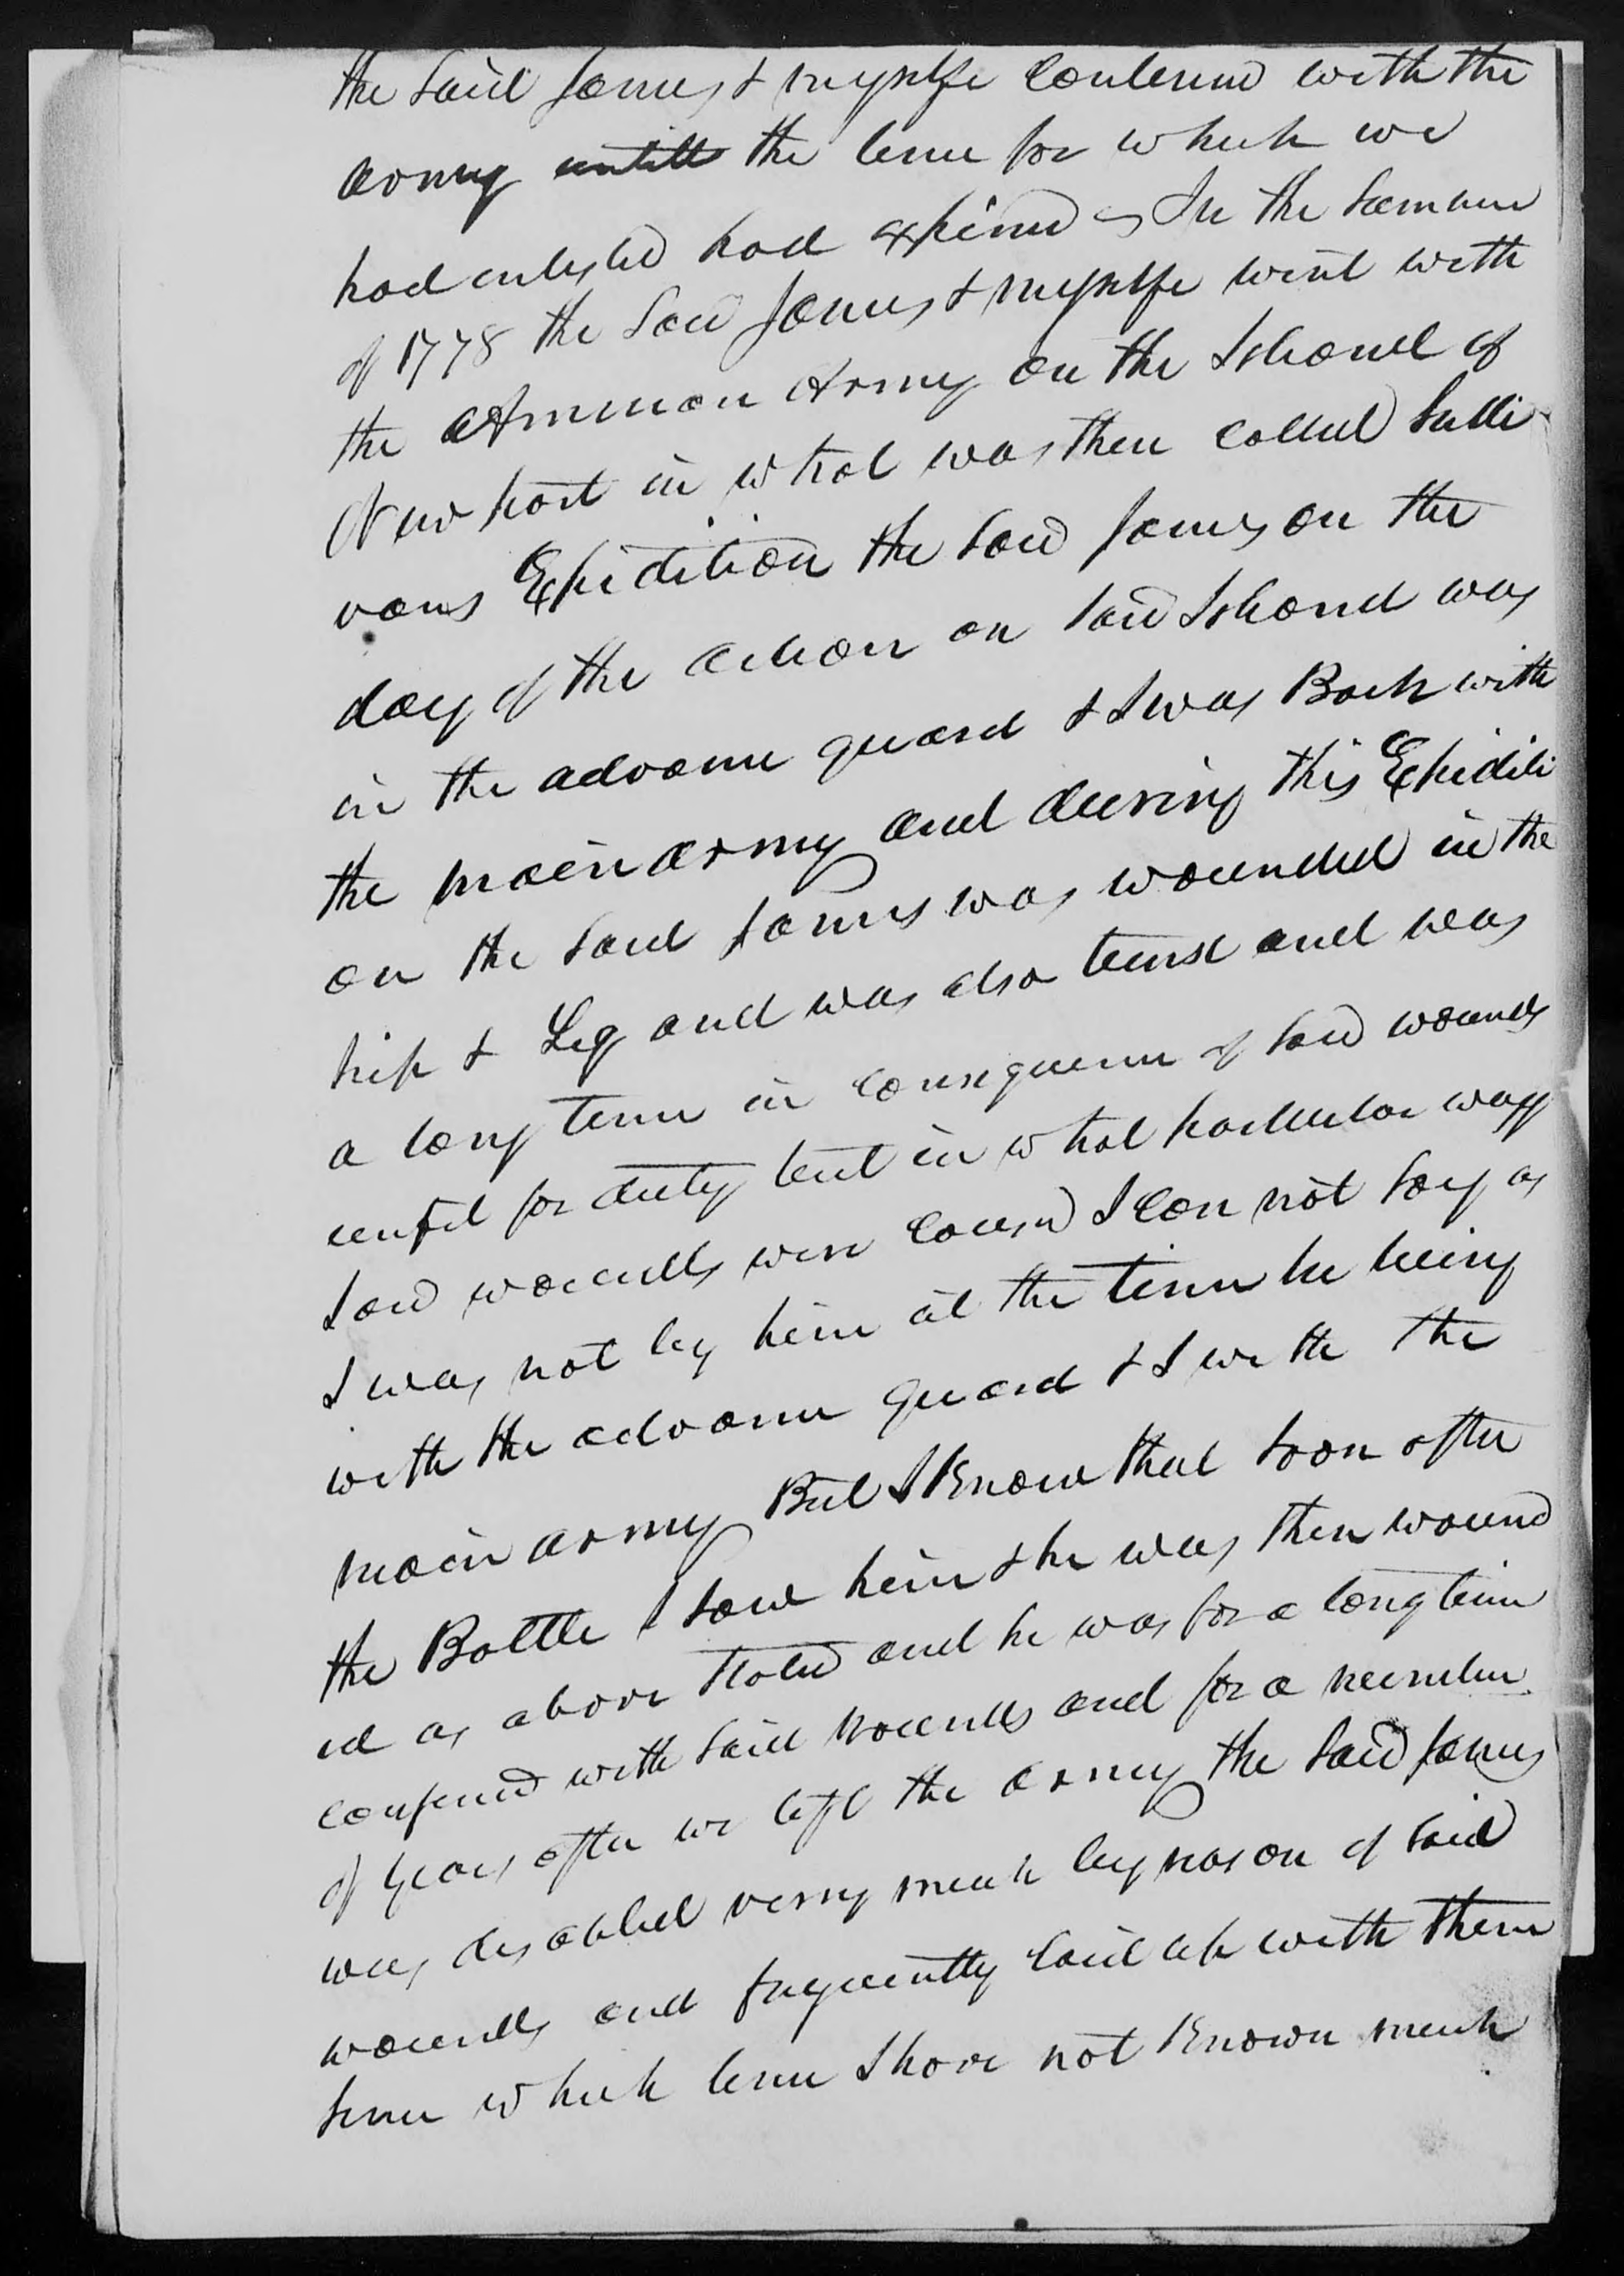the said James & myself continued with the army untill the term for which we had enlisted had expired - In the [illegible] of 1778 the said James & myself went with the American army on the [illegible] of Newport in what was then called Sullivans Expedition the [illegible] James on the day of the action on long Island was in the advance guard & I was Back with the main army and during this expedition the said James was wounded in the hip & leg and was also [illegible] and was a long time in consequence of his wounds unfit for duty but in what particular way I am [illegible] I and not say as I was not by him at the time he being with the column guard & I with the main army But I know that soon after the Battle I saw him & he was then wounded as above told and he was for a long time confined with said wounds and for a number of years after we left the army the said James was disabled very much by [illegible] of said wounds and frequently laid [illegible] with them [illegible] which [illegible] I have not known much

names: James, James, James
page: 13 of 100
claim: survivor's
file: S 19186, James Austin, Conn. New York R.I.